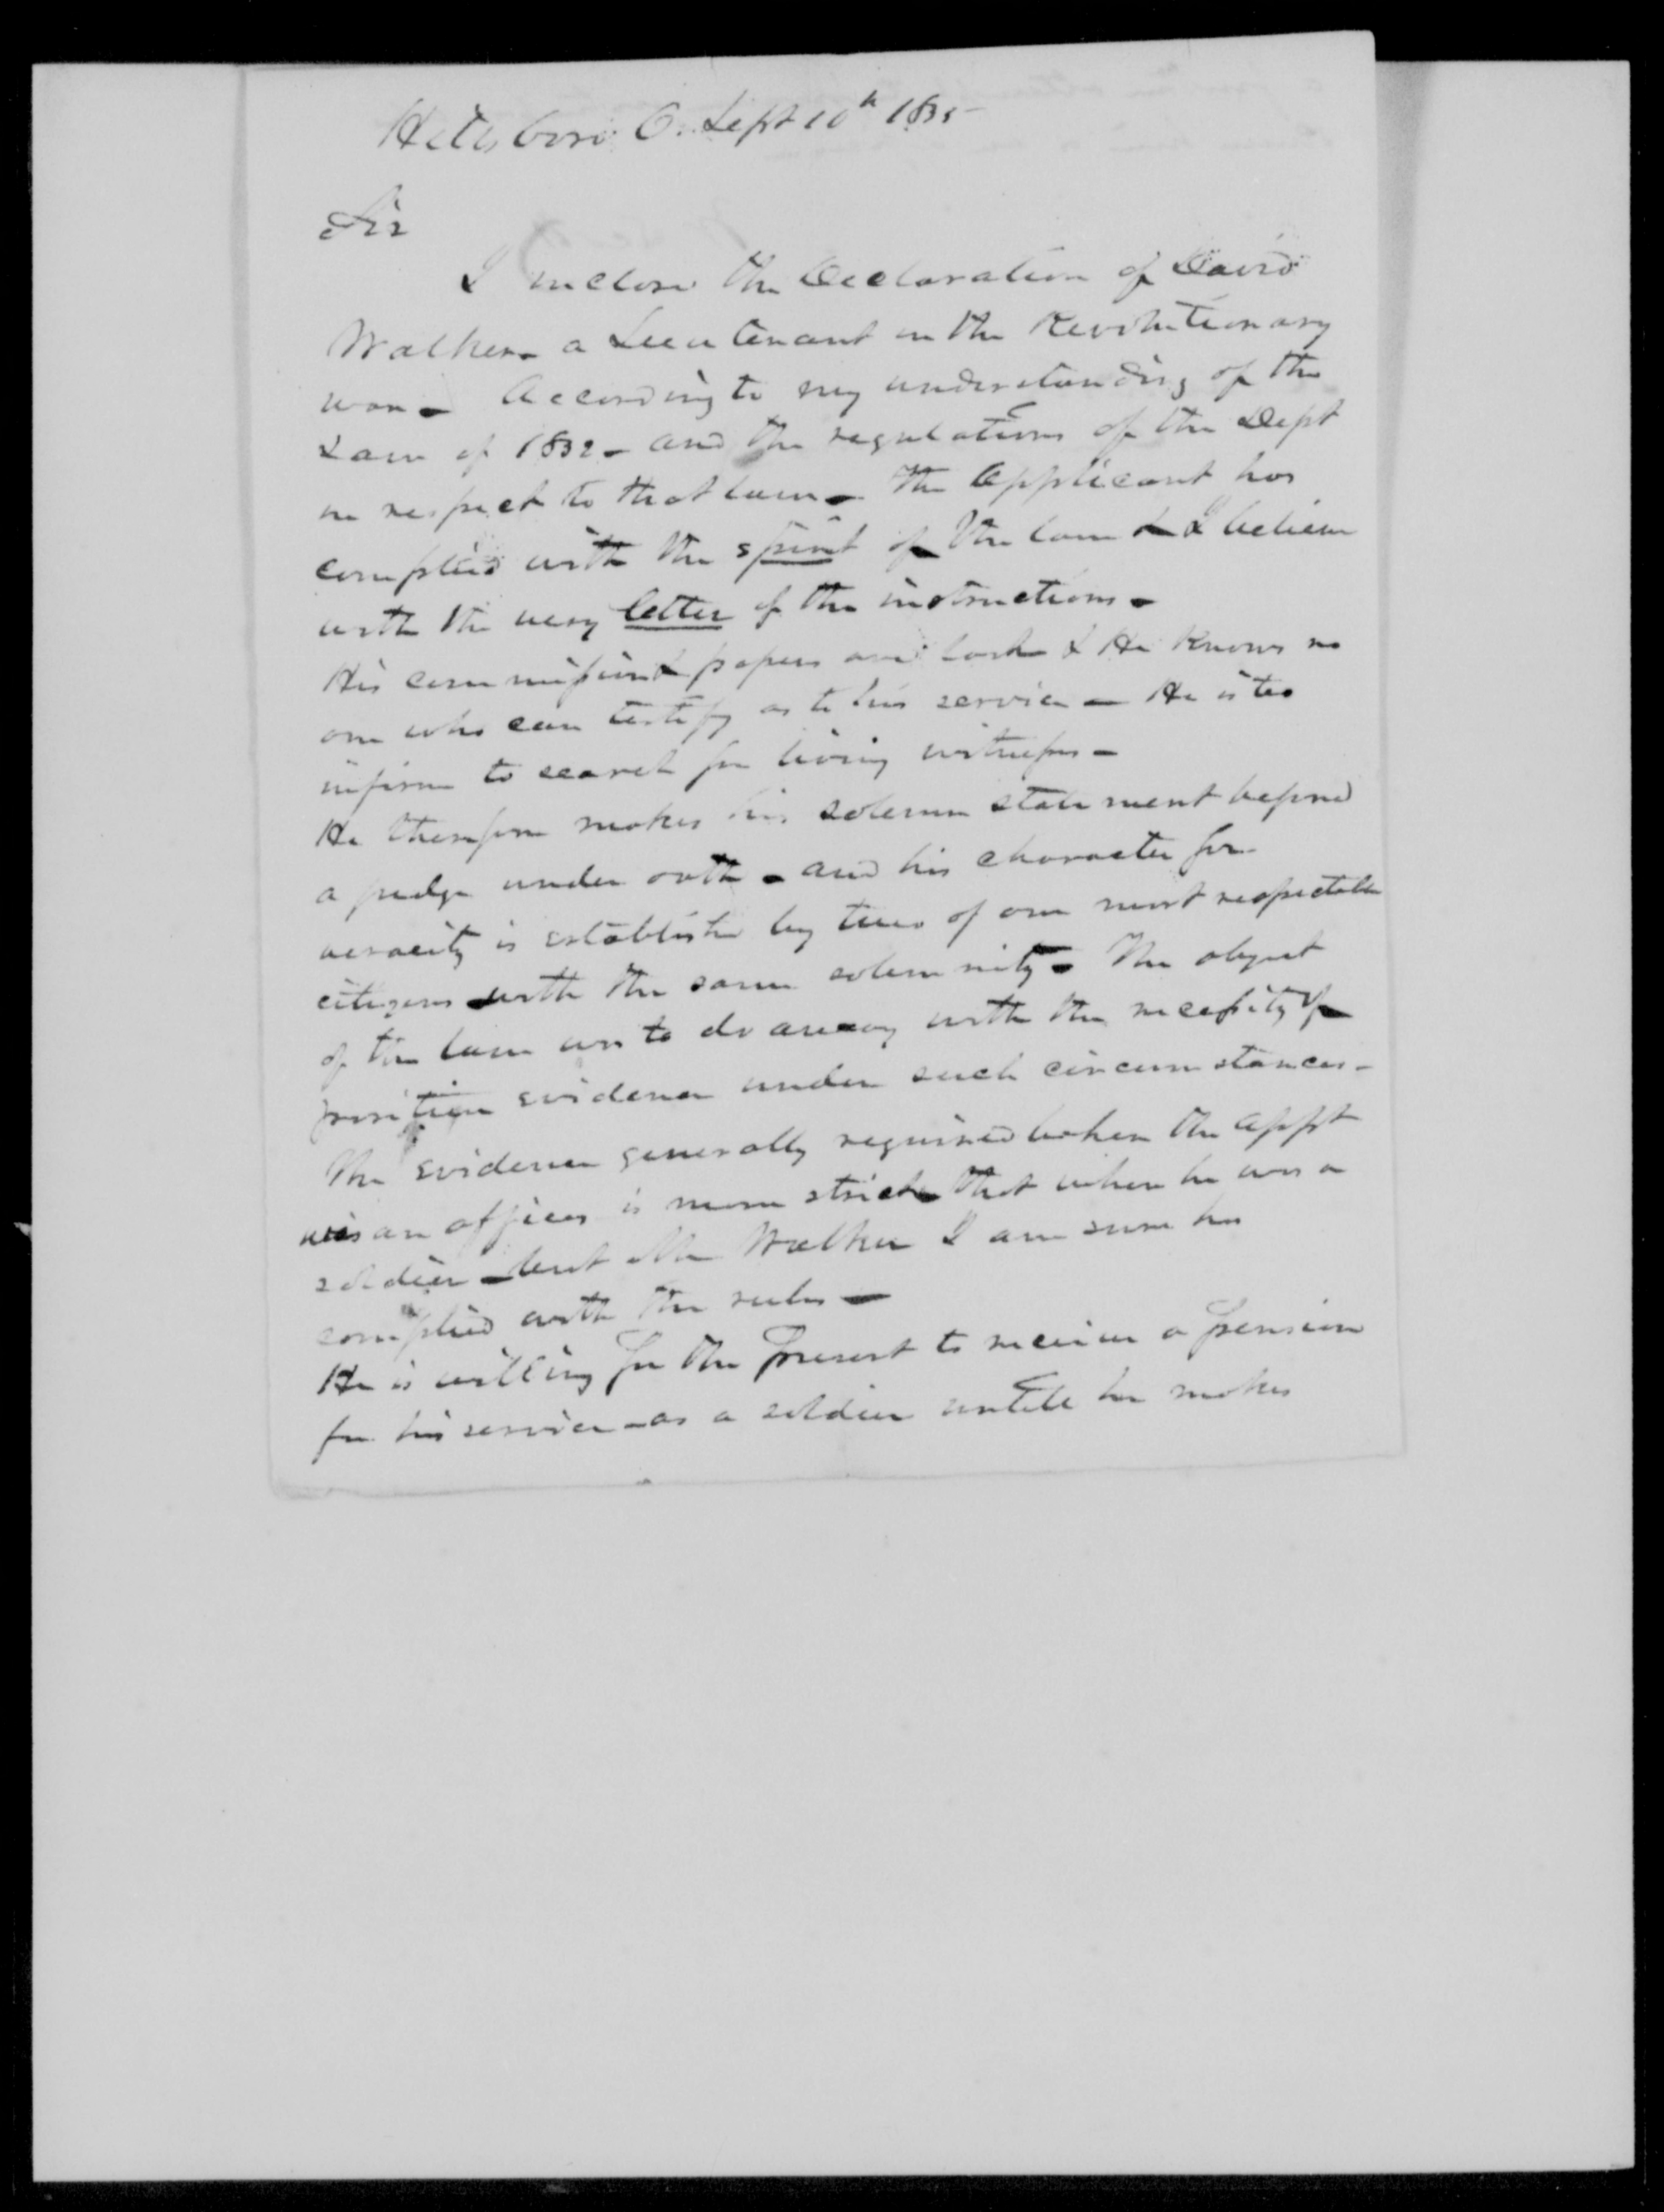[Illegible] Sept 10th, 1835
Sir,
I enclose the Declaration of David Walker a Lieutenant in the Revolutionary War according to my understanding of the Law of 1832 and the regulations of the Dept in respect to that law. The applicant has complied with the spirit of the [Illegible] with the very letter of the instructions. 
His commission papers and lack & He known one who can testify as to his service. [Illegible] He therefore makes his solemn statement before a full under oath and his character for veracity is established by two of our most respective citizens with the same solemnity. The object of the law unto do away with the citation evidence under such circumstances the evidence generally required when the Applicant is an officer [which] is more strict than [if] he was a soldier, but Mr. Walker I am sure has complied with the rules and is willing for the present to receive a pension for his service as a soldier until he makes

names: David Walker, Walker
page: 25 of 37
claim: rejected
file: R. 11047, David Walker, N.C.